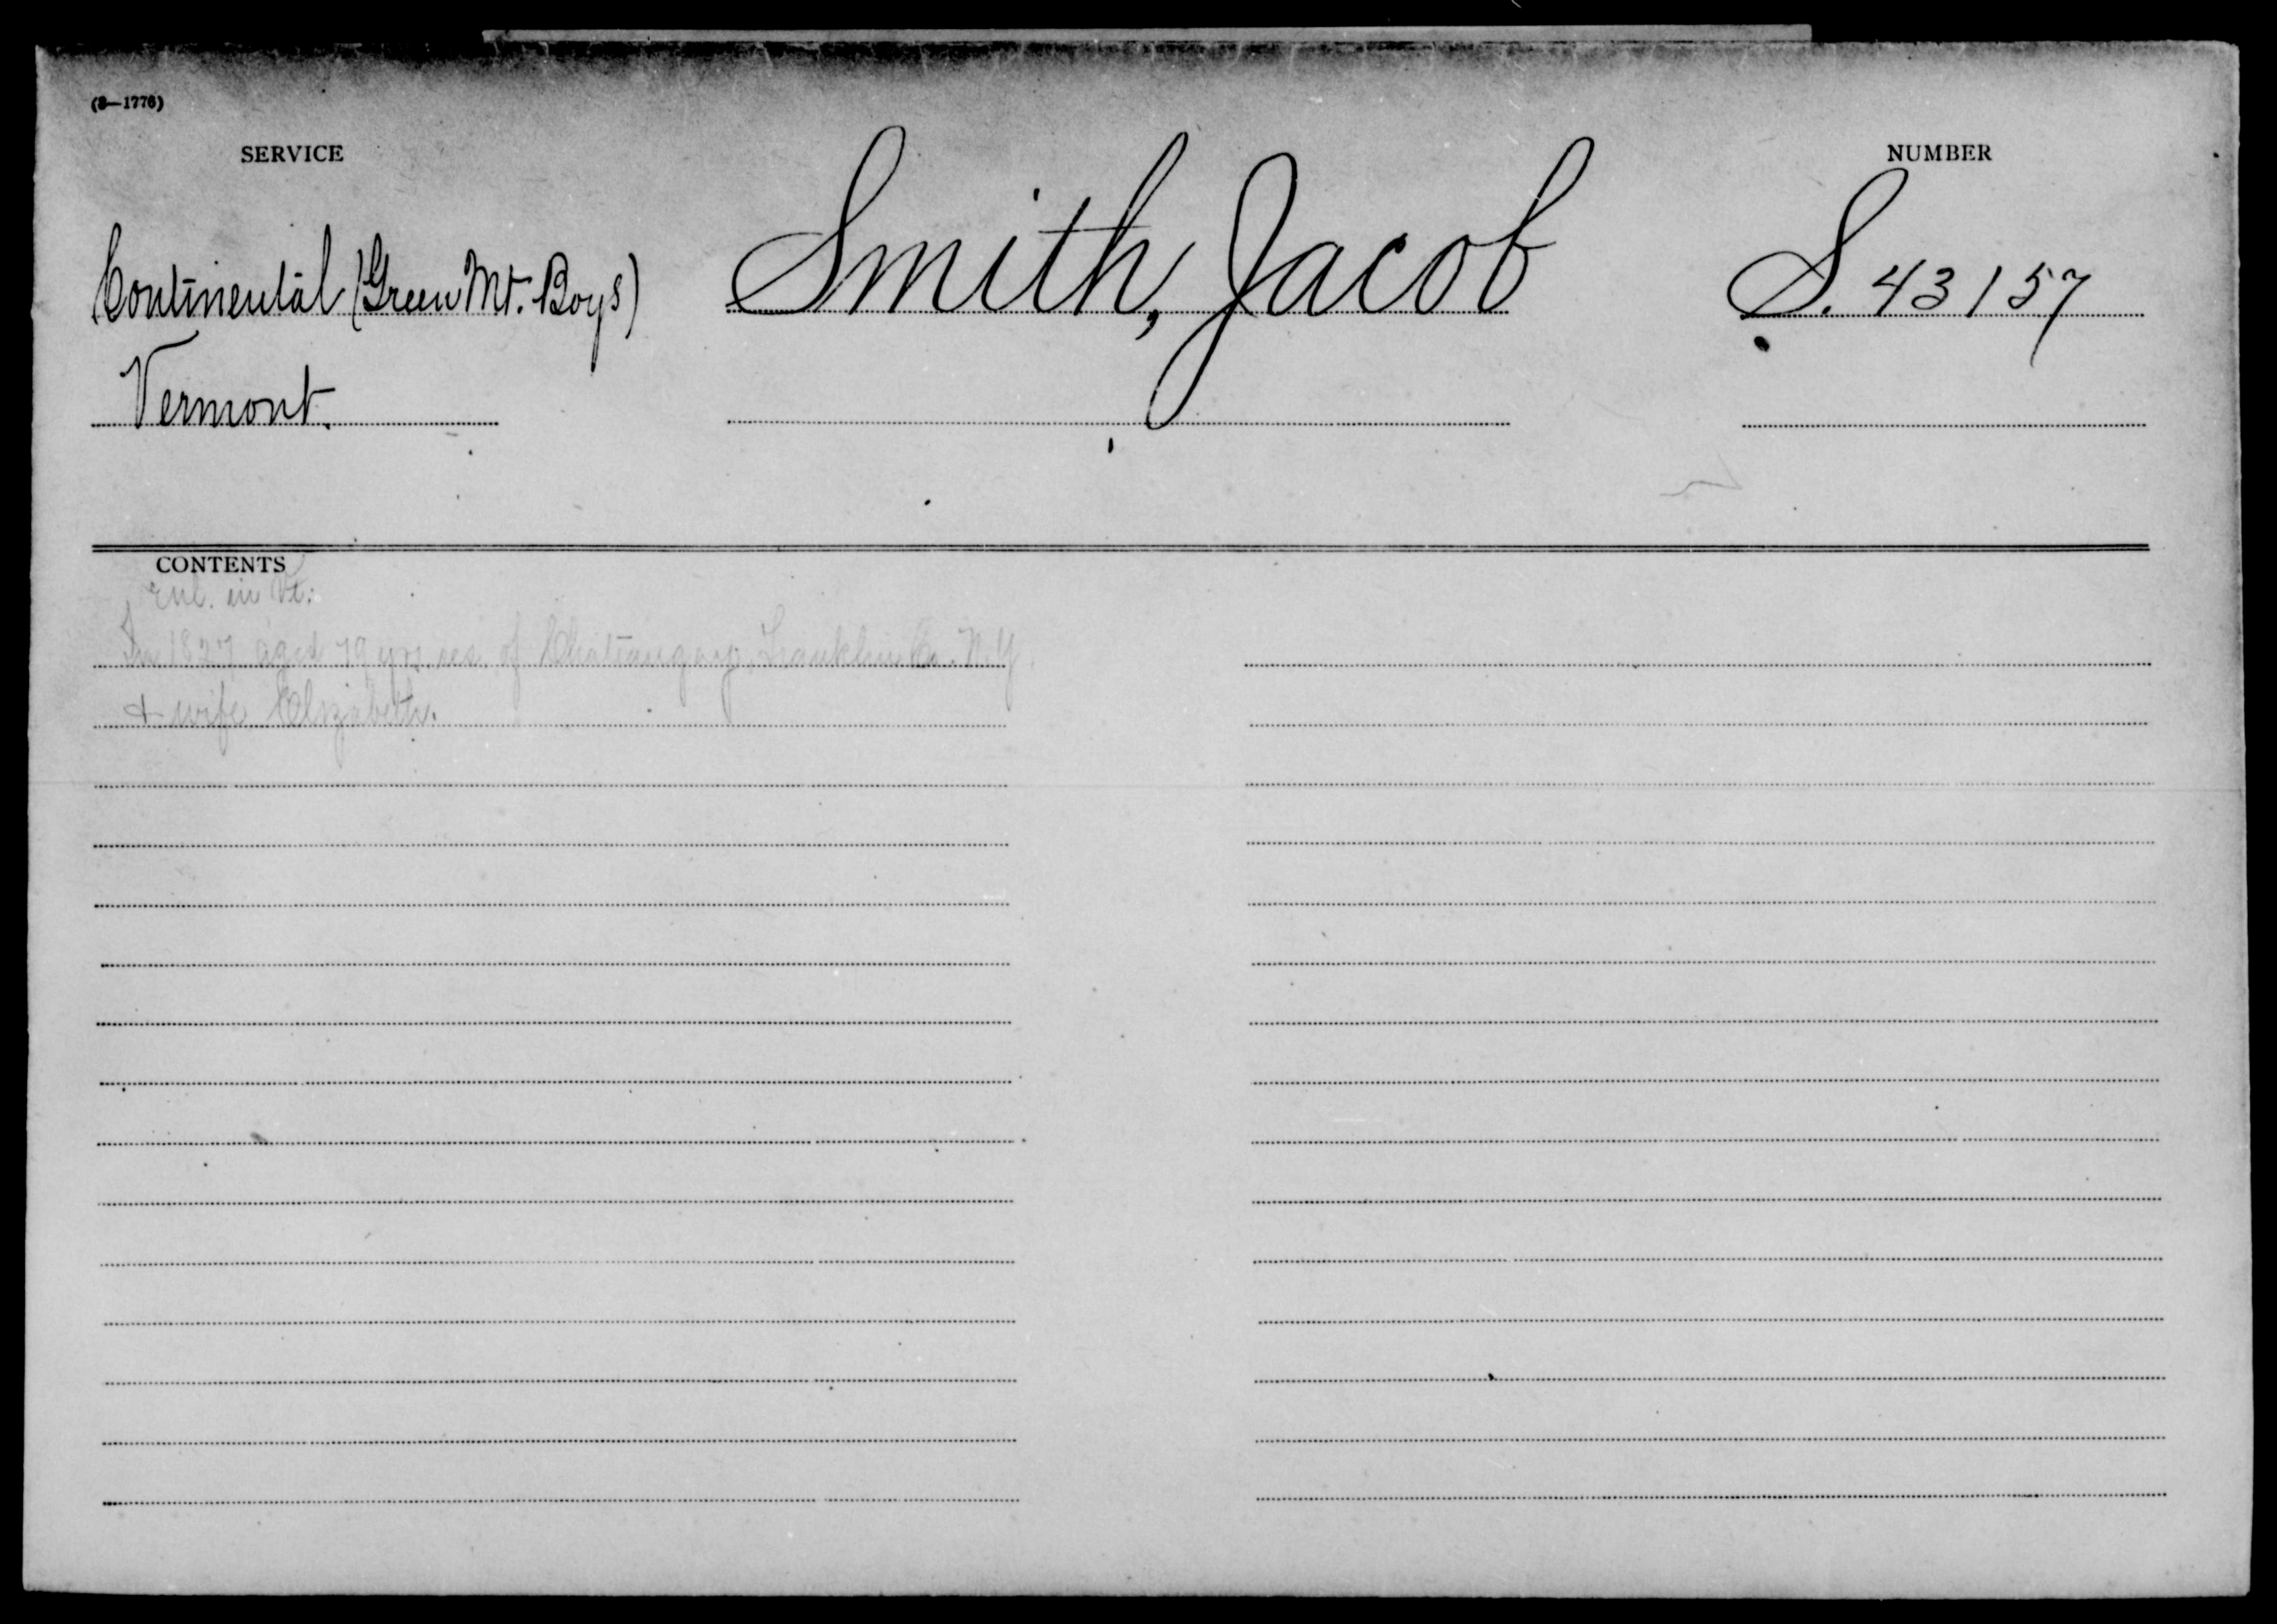(8-1776)
SERVICE | | NUMBER
Continental (Green Mt. Boys) | Smith, Jacob | S.43/157
Vermont | |
[double horizontal line]
CONTENTS
Cnl. line Vt:
Inn 1827 aged 79 hrs res of Chateaugay Co. N.Y. &  wife Elizabeth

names: Elizabeth [BLANK]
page: 1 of 15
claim: survivor's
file: S. 43157, for Jacob Smith, Vermont